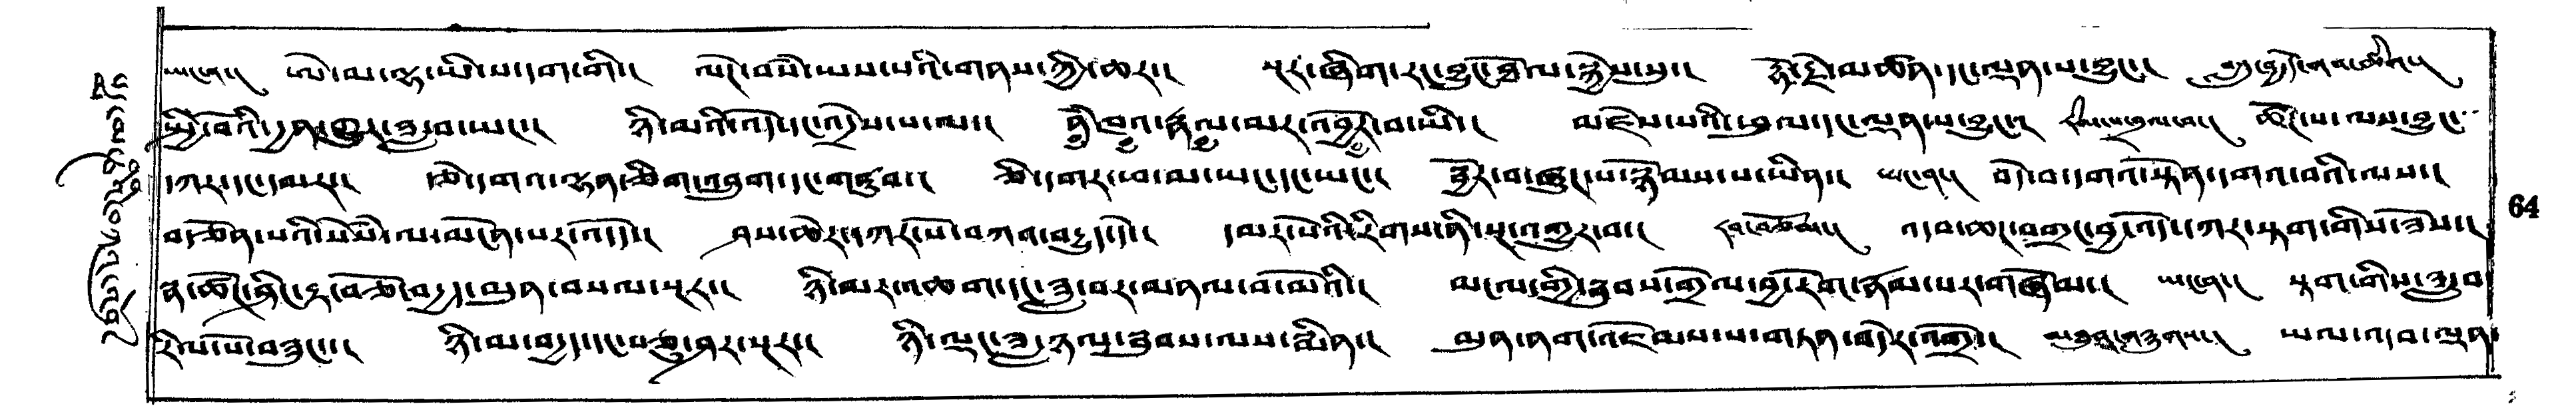ཡང་ན། ཨེ་མ་ལྷ་ཡི་ས་དག་གི །ལེགས་བསམ་ཡས་པའི་གནས་ཀྱི་ཆར། །སྔར་ཞིག་རང་བྱུང་ཐོལ་སྐྱེས་སུ། །རྡོ་རྗེ་མཚན་དང་ལྡན་པ་བྱུང་། ། བསླུ་བྱ་དེ་གབ་ཚིག 
སྤྱི་བོའི་རྒྱན་གྱུར་ཟླ་བ་ཡང་། །ཉི་མའི་འོད་དང་འདྲེས་པ་ལ། །ནམ་མཁའ་རྣལ་མར་འབྱོར་བ་ཡི། །མཛེས་པའི་ཕུལ་དང་ལྡན་པ་བྱུང་། ། རིམ་པ་བྲལ་བ། ཚོགས་པ་ལས་བྱུང་
དཀར་དང་དམར། །རྩེ་དགའ་ལྷན་ཅིག་འབྲུག་དང་གནུབས། །ཅི་དགར་ཕ་མ་ཡང་དང་ཡང་། །སྦྱོར་བ་ཞུགས་པ་སྙོམས་པ་ཡིན། ། ཡང་ན། བདེ་བ་དགའ་སྟོན་དགའ་བའི་ལས། །
བརྩོན་པའི་སེམས་ལ་མངོན་པར་འདོད། །ཤས་ཆེར་དཀར་པོ་བཀའ་བརྒྱུད་དེ། །དམར་པོའི་རིགས་ནི་སྔ་འགྱུར་བ། ། རབ་བཅོམ། འདབ་ཆགས་བགྲང་བྱ་འོད་དཀར་སྟག་གིས་ཟོས། །
སྣ་ཚོགས་ཤིང་རྟ་བཅོ་བརྒྱད་མུན་བསལ་སྔར། །ཉི་མར་འཆག་དང་ཟླ་བར་མནལ་བ་མོའི། །མངལ་གྱི་སྦུབས་གྲོལ་བྱ་རོག་རྣམ་པར་གཞོམ། ། ཡང་ན། སྟག་གིས་ཟླ་བ་
རིལ་པོ་བཟུང་། །ཉི་མ་བརྒྱད་དང་བཅུ་ཤར་སྔར། །ཉི་ལྡང་ཟླ་ཉལ་སྦུབས་ལས་སྨིན། །མུན་ནག་འཇོམས་པ་གཏན་བདེར་འགྲོ། ། མཐུན་གཟུགས། ཡལ་འདབ་ལྡན་